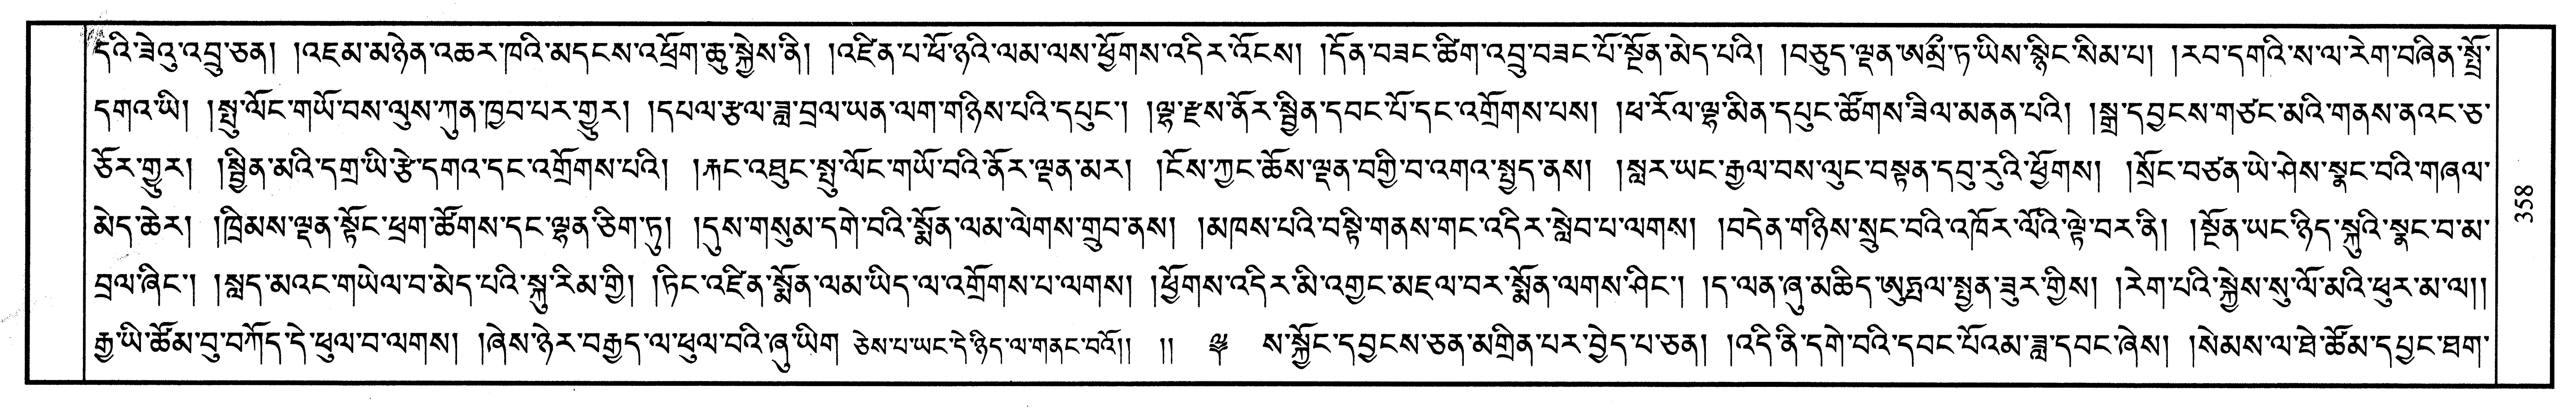དའི་ཟེའུ་འབྲུ་ཅན། །འཇམ་མཉེན་འཆར་ཁའི་མདངས་འཕྲོག་ཆུ་སྐྱེས་ནི། །འཛིན་པ་ཕོ་ཉའི་ལམ་ལས་ཕྱོགས་འདིར་འོངས། །དོན་བཟང་ཚིག་འབྲུ་བཟང་པོ་སྔོན་མེད་པའི། །བཅུད་ལྡན་ཨ་མྲྀ་ཏ་ཡིས་སྙིང་སིམ་པ། །རབ་དགའི་ས་ལ་རེག་བཞིན་སྤྲོ་
དགའ་ཡི། །སྤུ་ལོང་གཡོ་བས་ལུས་ཀུན་ཁྱབ་པར་གྱུར། །དཔལ་རྩལ་ཟླ་བྲལ་ཡན་ལག་གཉིས་པའི་དཔུང་། །ལྷ་རྫས་ནོར་སྦྱིན་དབང་པོ་དང་འགྲོགས་པས། །ཕ་རོལ་ལྷ་མིན་དཔུང་ཚོགས་ཟིལ་མནན་པའི། །སྒྲ་དབྱངས་གཙང་མའི་གནས་ནའང་ཅ་
ཅོར་གྱུར། །སྦྱིན་མའི་དགྲ་ཡི་རྩེ་དགའ་དང་འགྲོགས་པའི། །རྐང་འཐུང་སྤུ་ལོང་གཡོ་བའི་ནོར་ལྡན་མར། །ངོས་ཀྱང་ཆོས་ལྡན་བགྱི་བ་འགའ་སྤྱད་ནས། །སླར་ཡང་རྒྱལ་བས་ལུང་བསྟན་དབུ་རུའི་ཕྱོགས། །སྲོང་བཙན་ཡེ་ཤེས་སྣང་བའི་གཞལ་
མེད་ཆེར། །ཁྲིམས་ལྡན་སྟོང་ཕྲག་ཚོགས་དང་ལྷན་ཅིག་ཏུ། །དུས་གསུམ་དགེ་བའི་སྨོན་ལམ་ལེགས་གྲུབ་ནས། །མཁས་པའི་བསྟི་གནས་གང་འདིར་སླེབ་པ་ལགས། །བདེན་གཉིས་སྲུང་བའི་འཁོར་ལོའི་ལྟེ་བར་ནི། །སྔོན་ཡང་ཉིད་སྐུའི་སྣང་བ་མ་
བྲལ་ཞིང་། །སླད་མའང་གཡེལ་བ་མེད་པའི་སྐུ་རིམ་གྱི། །ཏིང་འཛིན་སྨོན་ལམ་ཡིད་ལ་འགྲོགས་པ་ལགས། །ཕྱོགས་འདིར་མི་འགྱང་མཇལ་བར་སྨོན་ལགས་ཤིང་། །ད་ལན་ཞུ་མཆིད་ཨུཏྤལ་སྤྱན་ཟུར་གྱིས། །རེག་པའི་སྐྱེས་སུ་ལོ་མའི་ཕུར་མ་ལ།།
རྒྱ་ཡི་ཚོམ་བུ་བཀོད་དེ་ཕུལ་བ་ལགས། །ཞེས་ཉེར་བརྒྱད་ལ་ཕུལ་བའི་ཞུ་ཡིག །ཅེས་པ་ཡང་དེ་ཉིད་ལ་གནང་བའོ།། །། ༈ ས་སྐྱོང་དབྱངས་ཅན་མགྲིན་པར་བྱེད་པ་ཅན། །འདི་ནི་དགེ་བའི་དབང་པོའམ་ཟླ་དབང་ཞེས། །སེམས་ལ་ཐེ་ཚོམ་དཔྱང་ཐག་